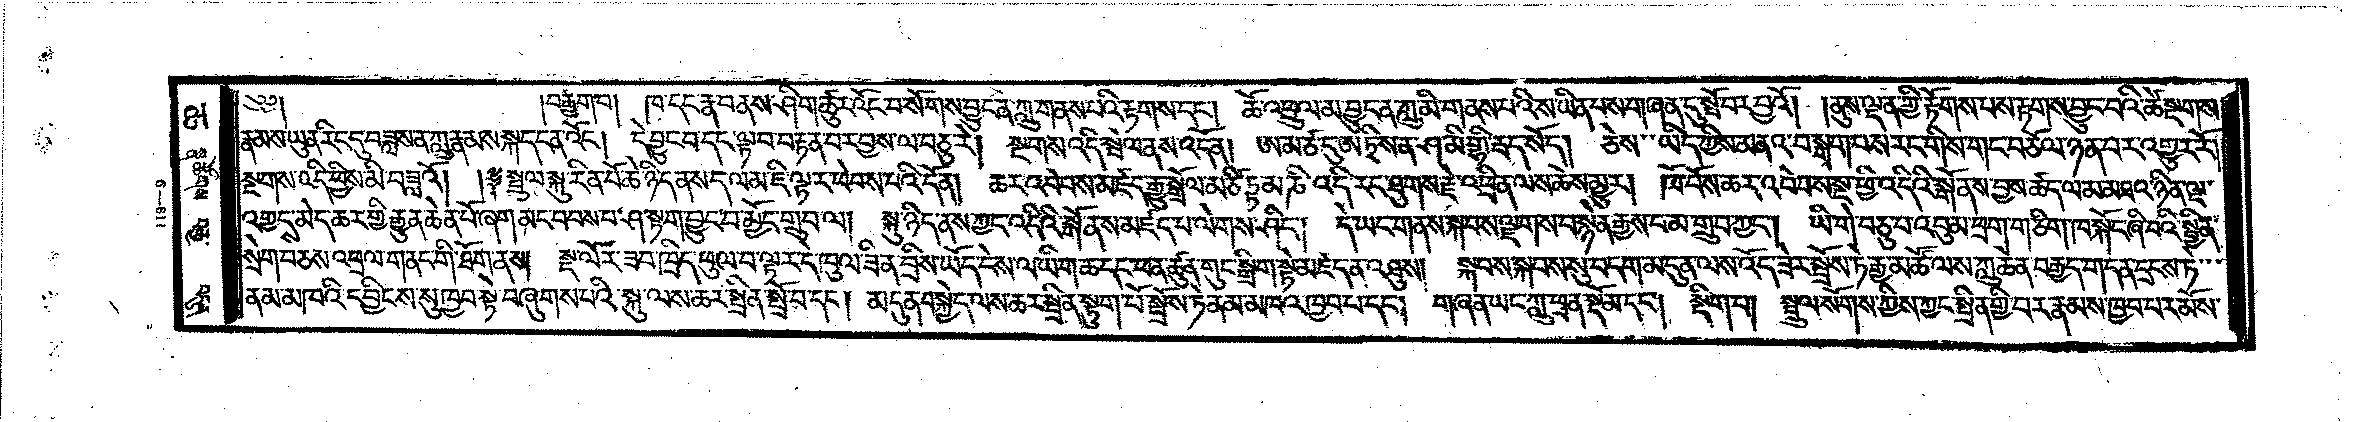༄༅། །བརྒྱག་བ། ཁ་དང་རྣ་བ་ནས་ཤིག་ཚུར་འོང་བ་སོགས་བྱུང་ན་ཀླུ་གནས་པའི་རྟགས་དང་། ཆོ་འཕྲུལ་མ་བྱུང་ན་ཀླུ་མི་གནས་པའི་ས་ཡིན་པས་གཞན་དུ་སྤོ་བར་བྱའོ། །ནུས་ལྡན་གྱི་རྟོགས་པས་རྟགས་བྱུང་བའི་ཚེ་སྔགས་
རྣམས་ཡུན་རིང་དུ་བཟླས་ན་ཀླུ་རྣམས་སྐད་ངན་འོང་། དེ་བྱུང་བ་དང་ལྟབ་བརྟན་བར་བྱས་ལ་བཅུ་རེ། སྔགས་འདི་སྦེལ་ནས་འདོན། ཨ་མ་ཙ་དུ་ཨ་ཏྲི་ས་ན་ཤ་མི་གྷི་རྦད་སོད། ཅེས་ཡིད་ཀྱིས་མནའ་བསྒག་བས་རང་གིས་གང་བཅོལ་ཉན་བར་འགྱུར་རོ།
སྔགས་འདི་ཕྱིས་མི་བཟླའོ། །༈ སྦྲུལ་སྐུ་རིན་པོ་ཆེ་ཉིད་ནས་ད་ལམ་ཇི་ལྟར་ཕེབས་པའི་དོན། ཆར་འབེབས་མཛད་རྒྱུ་སྒྲོལ་མ་ཙིཏྟ་མ་ཎི་འདི་རང་ཐུགས་རྗེ་འཕྲིན་ལས་ཆེས་མྱུར། ཁོ་བོས་ཆར་འབེབས་སྔ་ཕྱི་འདིའི་སྒོ་ནས་བྱས་ཚད་ལ་མ་མཐའ་ཉིན་ལྔ་
འགྱངས་མེད་ཆར་གྱི་རྒྱུན་ཆེན་པོ་ཞག་མང་བབས་པ་ཤ་སྟག་བྱུང་བ་མྱོང་གྲུབ་ལ། སྐུ་ཉིད་ནས་ཀྱང་འདིའི་སྒོ་ནས་མཛད་པ་ལེགས་ཤིང་། དེ་ཡང་གནས་སྐབས་ལྗགས་བསྙེན་རྒྱས་པ་མ་གྲུབ་ཀྱང་། ཡི་གེ་བཅུ་པ་འབུམ་ཕྲག་གཅིག་ཁ་སྐོང་ཞི་བའི་སྦྱིན་
སྲེག་བཅས་འཕྲལ་གནང་གི་ཐོག་ནས། སྔ་ལོར་ཟབ་ཁྲིད་ཕུལ་བ་ལྟར་དེ་ཁུལ་ཟིན་བྲིས་ཡོད་ངེས་ལ་ཡིག་ཆ་དང་ཕན་ཚུན་གུང་སྒྲིག་སྟེ་མཛད་ན་འཐུས། སྐབས་སྐབས་སུ་བདག་མདུན་ལས་འོད་ཟེར་སྦྲོས་ཏེ་རྒྱ་མཚོ་ལས་ཀླུ་ཆེན་བརྒྱད་གདན་དྲངས་ཏེ་
ནམ་མཁའི་དབྱིངས་སུ་ཁྱབ་སྟེ་བཞུགས་པའི་སྐུ་ལས་ཆར་སྤྲིན་སྤྲོ་བ་དང་། མདུན་བསྐྱེད་ལས་ཆར་སྦྲིན་སྟུག་པོ་སྤྲོས་ཏེ་ནམ་མཁའ་ཁྱབ་པ་དང་། གཞན་ཡང་ཀླུ་ཕྲན་སྡོམ་དང་། སྡིག་པ། སྦྲུལ་སོགས་ཀྱིས་ཀྱང་སྤྲིན་གྱི་བར་རྣམས་ཁྱབ་པར་མོས་